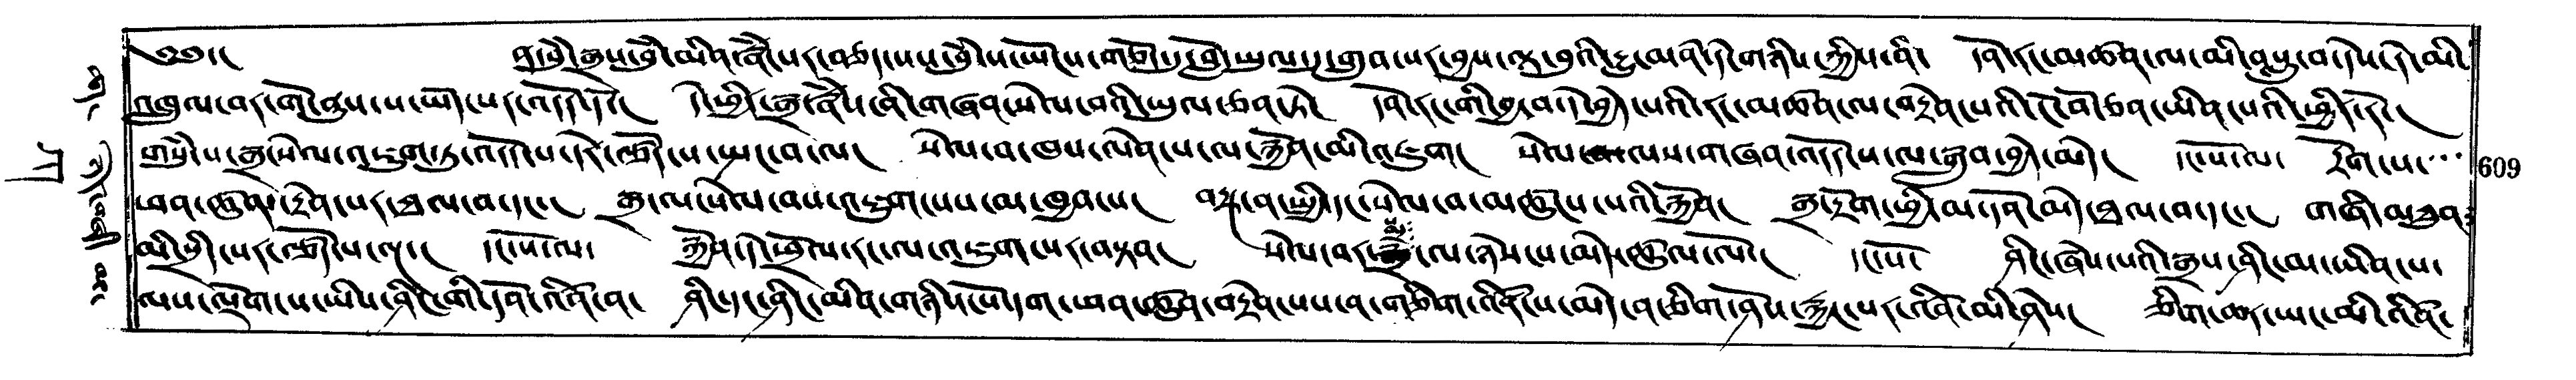ན་བུམ་སྒྲས་བུམ་མིན་རྣམ་པར་བཅད་པས་བུམ་པ་ཡོངས་གཅོད་དུ་བློ་ཡུལ་དུ་གྲུབ་པར་བྱས་པ་ལྟ་བུའི་རྒྱུ་མཚན་དེ་གཉིས་ཀྱིས་ནི།དོན་རང་མཚན་ལ་མི་བསླུ་བ་དེས་དེ་མི་
འཁྲུལ་བར་གོ་ནུས་པ་ཡོད་པར་འདོད་དོ།། དེ་ཕྱིར་སྒྲ་རྣམས་ནི་གཞན་སེལ་བའི་ཡུལ་ཅན་ཏེ། དོན་རང་གི་བྱ་བ་དེ་བྱེད་པའི་རང་མཚན་ལ་བརྟེན་པའི་ངོ་བོ་ཅན་ཡིན་པའི་ཕྱིར་རོ།། 
གསུམ་པ་སྒྲ་སེལ་འཇུག་ཏུ་འདོད་པ་དེར་རྩོད་པ་སྤོང་བ་ལ། །སེལ་བ་ཁས་ལེན་པ་ལ་སྐྱོན་མི་འཇུག སེལ་ལས་གཞན་འདོད་པ་ལ་སྒྲུབ་བྱེད་མེད། དང་པོ་ལ། རྟོག་པ་
ཕན་ཚུན་རྟེན་པར་ཐལ་བ་དང་། །སྒྲ་ལ་སེལ་བས་འཇུག་པས་མ་ཁྱབ་པ། །བརྟགས་ན་སྤྱི་དང་སེལ་བ་མཚུངས་པའི་སྐྱོན། །སྒྲ་རྟོག་ཕྱི་མ་དོན་མེད་ཐལ་བ་དང་། གཞི་མཐུན་
མི་སྲིད་པར་ནི་རྩོད་པ་ལྔ་། །དང་པོ་ལ། །སྐྱོན་དེ་ཕ་རོལ་རང་ལ་འཇུག་པར་བསྟན། །སེལ་བར་སྨྲ་ལ་ཉེས་པ་མེད་ཚུལ་ལོ། །དང་པོ། ཤིང་ཞེས་པའི་སྒྲས་ཤིང་མ་ཡིན་པ་
ལས་ལྡོག་པ་ཡིས་ཤིང་གི་དོན་འཛིན་ན། ཤིང་དང་ཤིང་མིན་གཉིས་པོ་དག་ཕན་ཚུན་བརྟེན་པས་ན་གཅིག་འཛིན་པ་མེད་ན་ཅིག་ཤོས་རྐྱང་པར་འཛིན་མི་ཤེས། ཅིག་ཆར་ཡང་མི་འཛིན་